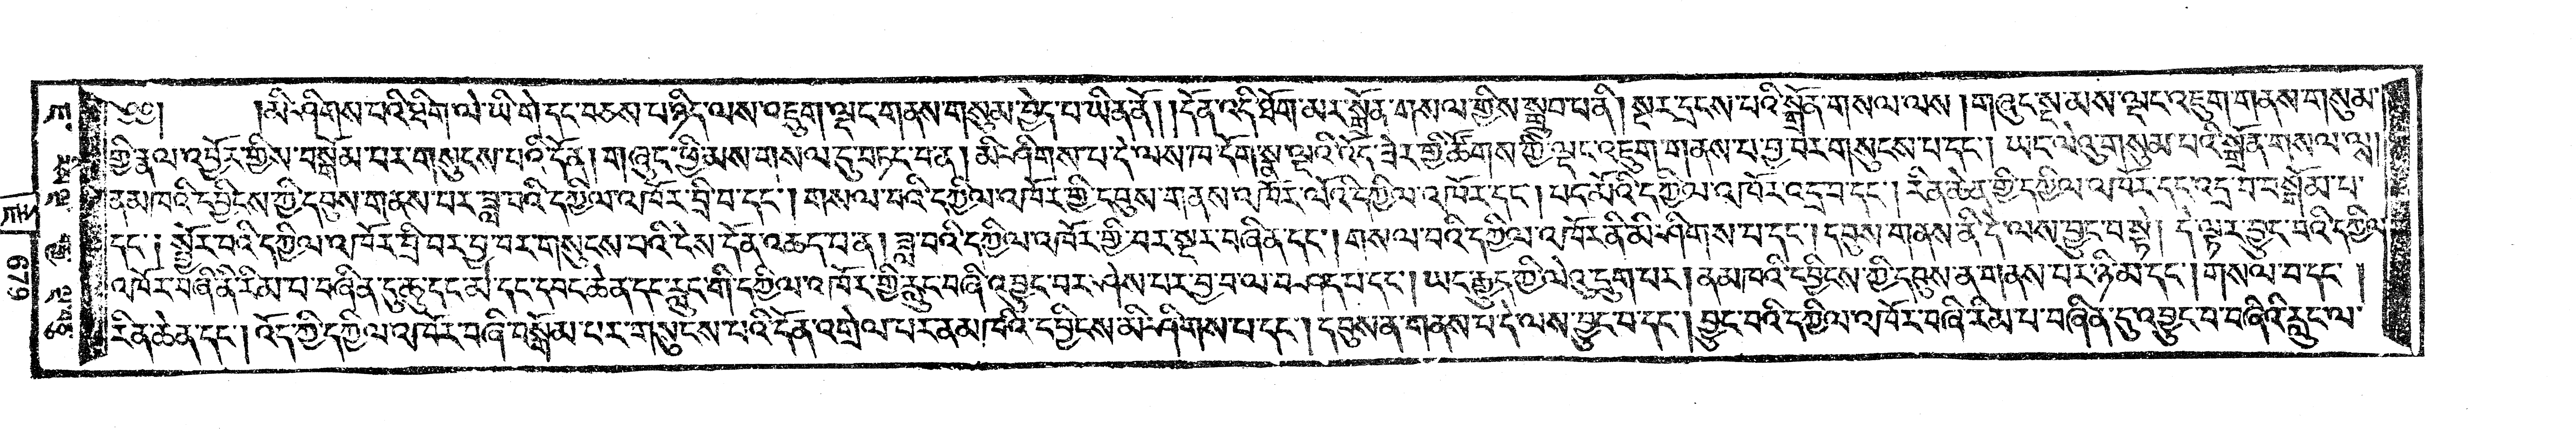༄༅། །མི་ཤིགས་པའི་ཐིག་ལེ་ཡི་གེ་དང་བཅས་པ་ཉིད་ལས་འཇུག་ལྡང་གནས་གསུམ་བྱེད་པ་ཡིན་ནོ། །དོན་འདི་ཐོག་མར་སྒྲོན་གསལ་གྱིས་སྒྲུབ་པ་ནི། སྔར་དྲངས་པའི་སྒྲོན་གསལ་ལས། གཞུང་སྔ་མས་ལྡང་འཇུག་གནས་གསུམ་
གྱི་རྣལ་འབྱོར་གྱིས་བསྒོམ་པར་གསུངས་པའི་དོན། གཞུང་ཕྱི་མས་གསལ་དུ་བཏང་བ་ན། མི་ཤིགས་པ་དེ་ལས་ཁ་དོག་སྣ་ལྔའི་འོད་ཟེར་གྱི་ཚོགས་ཀྱི་ལྡང་འཇུག་གནས་པ་བྱ་བར་གསུངས་པ་དང་། ཡང་ལེའུ་གསུམ་པའི་སྒྲོན་གསལ་ལས།
ནམ་མཁའི་དབྱིངས་ཀྱི་དབུས་གནས་པར་ཟླ་བའི་དཀྱིལ་འཁོར་བྲི་བ་དང་། གསལ་བའི་དཀྱིལ་འཁོར་གྱི་དབུས་གནས་འཁོར་ལོའི་དཀྱིལ་འཁོར་དང་། པད་མོའི་དཀྱིལ་འཁོར་འདྲ་བ་དང་། རིན་ཆེན་གྱི་དཀྱིལ་འཁོར་དང་འདྲ་བ་བསྒོམ་པ་
དང་༑སྦྱོར་བའི་དཀྱིལ་འཁོར་བྲི་བར་བྱ་བར་གསུངས་པའི་ངེས་དོན་འཆད་པ་ན། ཟླ་བའི་དཀྱིལ་འཁོར་གྱི་བར་སྔར་བཞིན་དང་། གསལ་བའི་དཀྱིལ་འཁོར་ནི་མི་ཤིགས་པ་དང་། དབུས་གནས་ནི་དེ་ལས་བྱུང་བ་སྟེ། དེ་ལྟར་བྱུང་བའི་དཀྱིལ་
འཁོར་བཞི་ནི་རིམ་པ་བཞིན་དུ་ཆུ་དང་མེ་དང་དབང་ཆེན་དང་རླུང་གི་དཀྱིལ་འཁོར་གྱི་རླུང་བཞི་འབྱུང་བར་ཤེས་པར་བྱ་བ་ལ་བཤད་པ་དང་། ཡང་རྒྱུད་ཀྱི་ལེའུ་དྲུག་པར། ནམ་མཁའི་དབྱིངས་ཀྱི་དབུས་ན་གནས་པར་ཉི་མ་དང་། གསལ་བ་དང་།
རིན་ཆེན་དང་། འོད་ཀྱི་དཀྱིལ་འཁོར་བཞི་བསྒོམ་པར་གསུངས་པའི་དོན་འགྲེལ་པར་ནམ་མཁའི་དབྱིངས་མི་ཤིགས་པ་དང་། དབུས་ན་གནས་པ་དེ་ལས་བྱུང་བ་དང་། བྱུང་བའི་དཀྱིལ་འཁོར་བཞི་རིམ་པ་བཞིན་དུ་འབྱུང་བ་བཞིའི་རླུང་ལ་